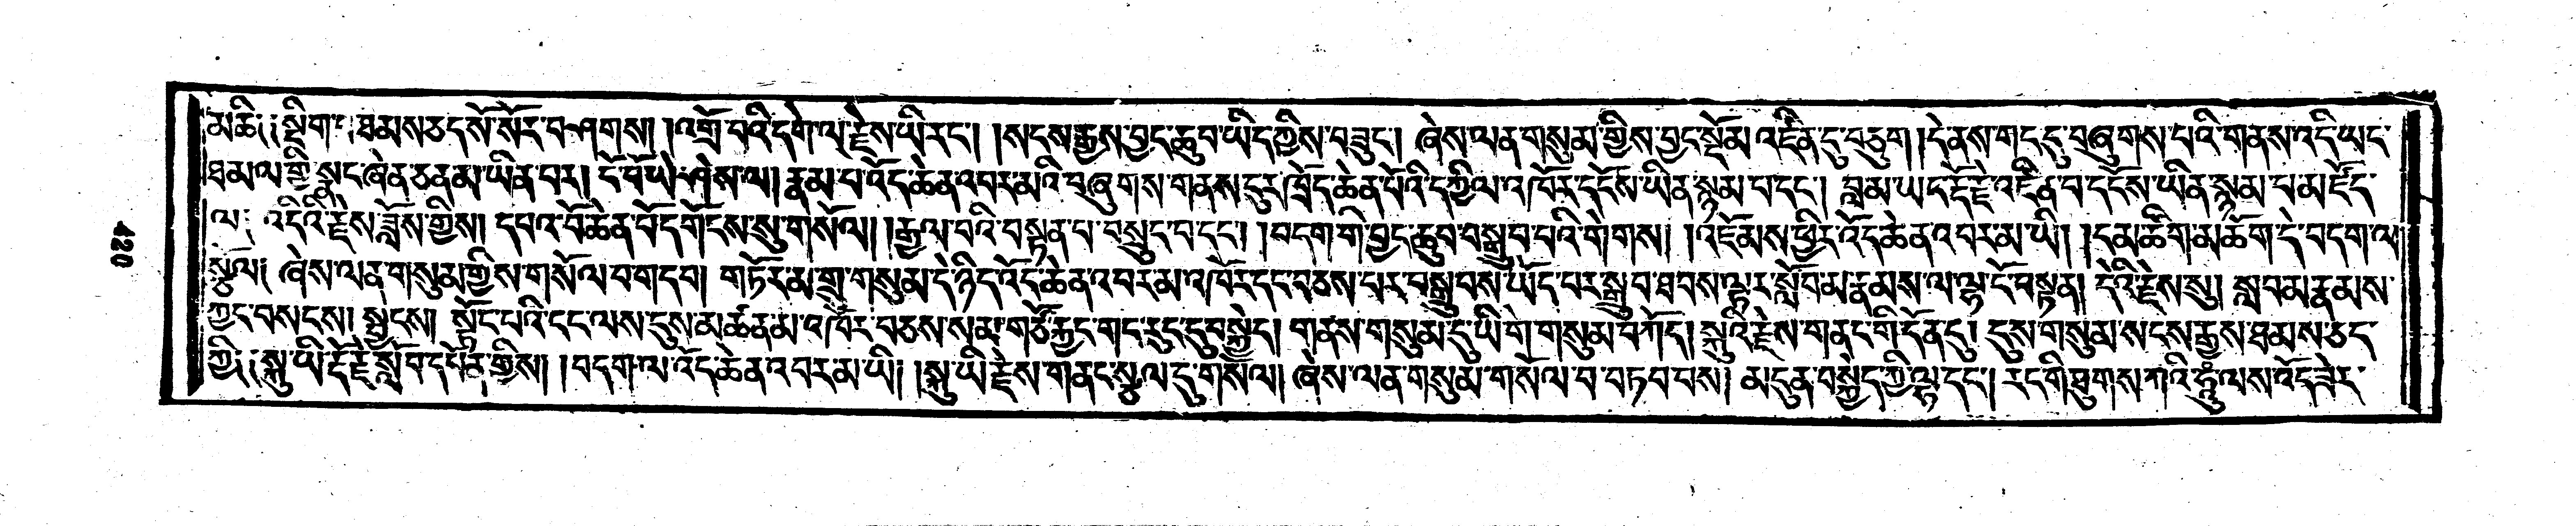མཆི༑ ༑སྡིག་པ་ཐམས་ཅད་སོ་སོར་བཤགས། །འགྲོ་བའི་དགེ་ལ་རྗེས་ཡི་རང་། །སངས་རྒྱས་བྱང་ཆུབ་ཡིད་ཀྱིས་བཟུང་། ཞེས་ལན་གསུམ་གྱིས་བྱང་སྡོམ་འཛིན་དུ་བཅུག །དེ་ནས་གང་དུ་བཞུགས་པའི་གནས་འདི་ཡང་
ཐ་མལ་གྱི་སྣང་ཞེན་ཅན་མ་ཡིན་པར། ངོ་བོ་ཡེ་ཤེས་ལ། རྣམ་པ་འོད་ཆེན་འབར་མའི་བཞུགས་གནས་དུར་ཁྲོད་ཆེན་པོའི་དཀྱིལ་འཁོར་དངོས་ཡིན་སྙམ་པ་དང་། བླ་མ་ཡང་རྡོ་རྗེ་འཛིན་པ་དངོས་ཡིན་སྙམ་པ་མཛོད་
ལ༑ འདིའི་རྗེས་ཟློས་གྱིས། དཔའ་བོ་ཆེན་པོ་དགོངས་སུ་གསོལ། །རྒྱལ་བའི་བསྟན་པ་བསྲུང་བ་དང་། །བདག་གི་བྱང་ཆུབ་བསྒྲུབ་པའི་གེགས། །འཇོམས་ཕྱིར་འོད་ཆེན་འབར་མ་ཡི། །དམ་ཚིག་མཆོག་དེ་བདག་ལ་
སྩོལ༑ ཞེས་ལན་གསུམ་གྱིས་གསོལ་བ་གདབ། གཏོར་མ་གྲུ་གསུམ་དེ་ཉིད་འོད་ཆེན་འབར་མ་འཁོར་དང་བཅས་པར་བསྒྲུབས་ཡོད་པར་སྒྲུབ་ཐབས་ལྟར་སློབ་མ་རྣམས་ལ་ལྷ་ངོ་བསྟན། དེའི་རྗེས་སུ། སློབ་མ་རྣམས་
ཀྱང་བསངས། སྦྱངས། སྟོང་པའི་ངང་ལས་དུས་མཚན་མ་འཁོར་བཅས་སམ་གཙོ་རྐྱང་གང་རུང་དུ་བསྐྱེད། གནས་གསུམ་དུ་ཡི་གེ་གསུམ་བཀོད། སྐུའི་རྗེས་གནང་གི་དོན་དུ། དུས་གསུམ་སངས་རྒྱས་ཐམས་ཅད་
ཀྱི༑ ༑སྐུ་ཡི་རྡོ་རྗེ་སློབ་དཔོན་གྱིས། །བདག་ལ་འོད་ཆེན་འབར་མ་ཡི། །སྐུ་ཡི་རྗེས་གནང་སྩལ་དུ་གསོལ། ཞེས་ལན་གསུམ་གསོལ་བ་བཏབ་པས། མདུན་བསྐྱེད་ཀྱི་ལྷ་དང་། རང་གི་ཐུགས་ཀའི་ཧཱུཾ་ལས་འོད་ཟེར་